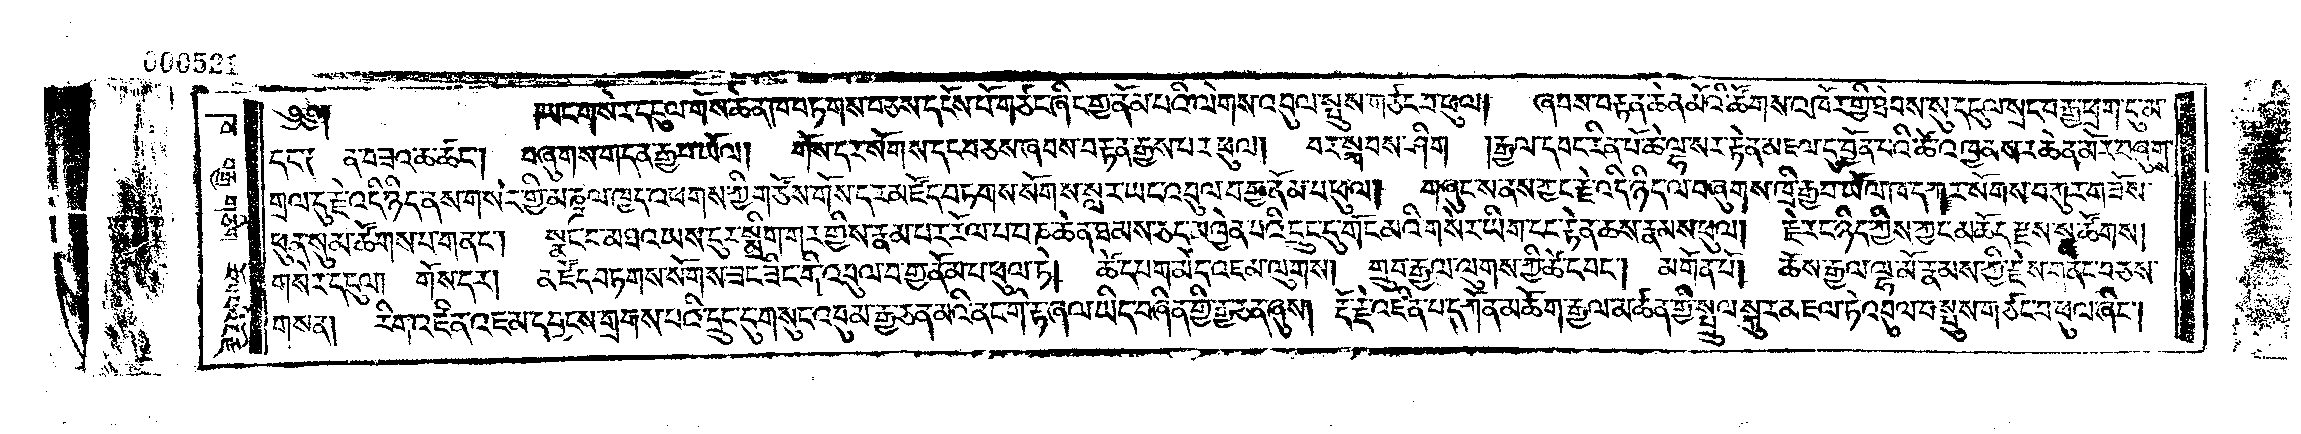༄༅། །ཡང་གསེར་དངུལ་གོས་ཆེན་ཁ་བཏགས་བཅས་དངོས་པོ་གཙང་ཞིང་གྱ་ནོམ་པའི་ལེགས་འབུལ་སྤུས་གཙང་བ་ཕུལ། ཞབས་བརྟན་ཆེན་མོའི་ཚོགས་འཁོར་གྱི་ཐེབས་སུ་དངུལ་སྲང་བརྒྱ་ཕྲག་དུ་མ་
དང༑ ན་བཟའ་ཆ་ཚང་། བཞུགས་གདན་རྒྱ་བ་ཡོལ། གོས་དར་སོགས་དང་བཅས་ཞབས་བརྟན་རྒྱས་པར་ཕུལ། བར་སྐབས་ཤིག །རྒྱལ་དབང་རིན་པོ་ཆེ་ལྷ་སར་རྟེན་མཇལ་དུ་བྱོན་པའི་ཚེ་འཁྱམས་ར་ཆེན་མོར་བཞུགས་
གྲལ་དུ་རྗེ་འདི་ཉིད་ནས་གསེར་གྱི་མཎྜལ་ཁྱད་འཕགས་ཀྱི་གཙོས་གོས་དར་མཛོད་བཏགས་སོགས་སླར་ཡང་འབུལ་བ་གྱ་ནོམ་པ་ཕུལ། གཞུང་ས་ནས་ཀྱང་རྗེ་འདི་ཉིད་ལ་བཞུགས་ཁྲི་རྒྱ་བ་ཡོལ་ཁ་དཀར་སོགས་བཀུར་གཟོས་
ཕུན་སུམ་ཚོགས་པ་གནང་། སྣང་བ་མཐའ་ཡས་དུར་སྨྲིག་གར་གྱིས་རྣམ་པར་རོལ་པ་པཎ་ཆེན་ཐམས་ཅད་མཁྱེན་པའི་དྲུང་དུ་གོང་མའི་གསེར་ཡིག་དང་རྟེན་ཆས་རྣམས་ཕུལ། རྗེ་རང་ཉིད་ཀྱིས་ཀྱང་མཆོད་རྫས་སྣ་ཚོགས།
གསེར་དངུལ། གོས་དང་། མཛོད་བཏགས་སོགས་ཟང་ཟིང་གི་འབུལ་བ་གྱ་ནོམ་པ་ཕུལ་ཏེ། ཚེ་དཔག་མེད་འཇམ་ལུགས། གྲུབ་རྒྱལ་ལུགས་ཀྱི་ཚེ་དབང་། མགོན་པོ། ཆོས་རྒྱལ་ལྷ་མོ་རྣམས་ཀྱི་རྗེས་གནང་བཅས་
གསན། རིག་འཛིན་འཇམ་དབྱངས་གྲགས་པའི་དྲུང་དུ་གསུང་འབུམ་རྒྱ་ཅན་མའི་ནང་གི་རྟ་ཞལ་ཡིད་བཞིན་གྱི་རྒྱ་ཅན་ཞུས། རྡོ་རྗེ་འཛིན་པ་དཀོན་མཆོག་རྒྱལ་མཚན་གྱི་སྤྲུལ་སྐུར་མཇལ་ཏེ་འབུལ་བ་སྤུས་གཙང་བ་ཕུལ་ཞིང་།